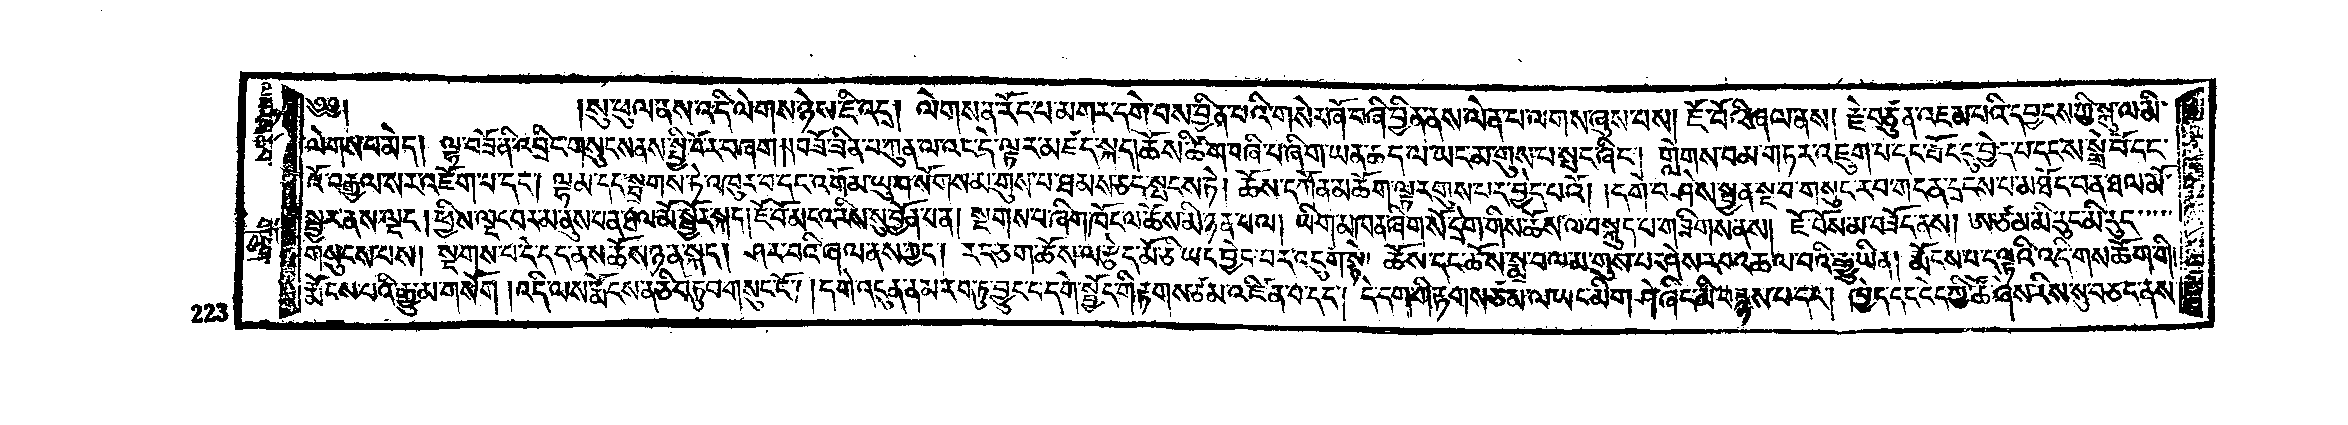༄༅། །སུ་ཕུལ་ནས་འདི་ལེགས་ཉེས་ཇི་འདྲ། ལེགས་ན་རོང་པ་མགར་དགེ་བས་བྱིན་པའི་གསེར་ཞོ་བཞི་བྱིན་ནས་ལེན་པ་ལགས་ཞུས་པས། ཇོ་བོའི་ཞལ་ནས། རྗེ་བཙུན་འཇམ་པའི་དབྱངས་ཀྱི་སྐུ་ལ་མི་
ལེགས་པ་མེད། ལྷ་བཟོ་ནི་འབྲིང་གསུངས་ནས་སྤྱི་བོར་བཞག །བཟོ་ཟིན་པ་ཀུན་ལའང་དེ་ལྟར་མཛད་སྐད། ཆོས་ཚིག་བཞི་པ་ཞིག་ཡན་ཆད་ལ་ཡང་མ་གུས་པ་སྤང་ཞིང་། གླེགས་བམ་གཏར་འཇུག་པ་དང་ཟོང་དུ་བྱེད་པ་དངས་སྒྲེ་བོ་དང་
འོ་བརྒྱལ་སར་འཇོག་པ་དང་། ལྷ་མ་དང་སྦྲགས་ཏེ་འཁུར་བ་དང་འགོམ་ཡུག་སོགས་མ་གུས་པ་ཐམས་ཅད་སྤངས་ཏེ། ཆོས་དཀོན་མཆོག་ལྟར་གུས་པར་བྱེད་པའོ། །དགེ་བཤེས་སྤྱན་སྔ་བ་གསུང་རབ་གདན་དྲངས་པ་མཐོང་བ་ན་ཐལ་མོ་
སྦྱར་ནས་ལྡང་། ཕྱིས་ལྡང་བར་མི་?་ནུས་པ་ན་ཐལ་མོ་སྦྱོར་སྐད། ཇོ་བོ་མངའ་རིས་སུ་བྱོན་པ་ན། སྔགས་པ་ཞིག་ཁོང་ལ་ཆོས་མི་ཉན་པ་ལ། ཡིག་མཁན་ཞིག་སོ་དྲེག་གིས་ཆོས་ལ་བསྐུད་པ་གཟིགས་ནས། ཇོ་བོས་མ་བཟོད་ནས། ཨ་ཙམ་མི་རུང་མི་རུང་
གསུངས་པས། སྔགས་པ་དེ་དད་ནས་ཆོས་ཉན་སྐད། ཤ་ར་བའི་ཞལ་ནས་ཀྱང་། རང་ཅག་ཆོས་ལ་རྩེད་མོ་ཅི་ཡང་བྱེད་པར་འདུག་སྟེ། ཆོས་དང་ཆོས་སྨྲ་བ་ལ་མ་གུས་པ་ཤེས་རབ་འཆལ་བའི་རྒྱུ་ཡིན། རྨོངས་པ་ད་ལྟའི་འདི་གས་ཆོག་གི།
རྨོངས་པའི་རྒྱུ་མ་གསོག །འདི་ལས་རྨོངས་ན་ཅི་བཏུབ་གསུང་ངོ། །དགེ་འདུན་ནམ་རབ་ཏུ་བྱུང་བ་དགེ་སྦྱོང་གི་རྟགས་ཙམ་འཛིན་པ་དང་། དེ་དག་གི་རྟགས་ཙམ་ལ་ཡང་མི་གཤེ་ཞིང་མི་བརྙས་པ་དང་། ཁྱེད་དང་ངེད་ཀྱི་ཚོ་ཞེས་རིས་སུ་བཅད་ནས་